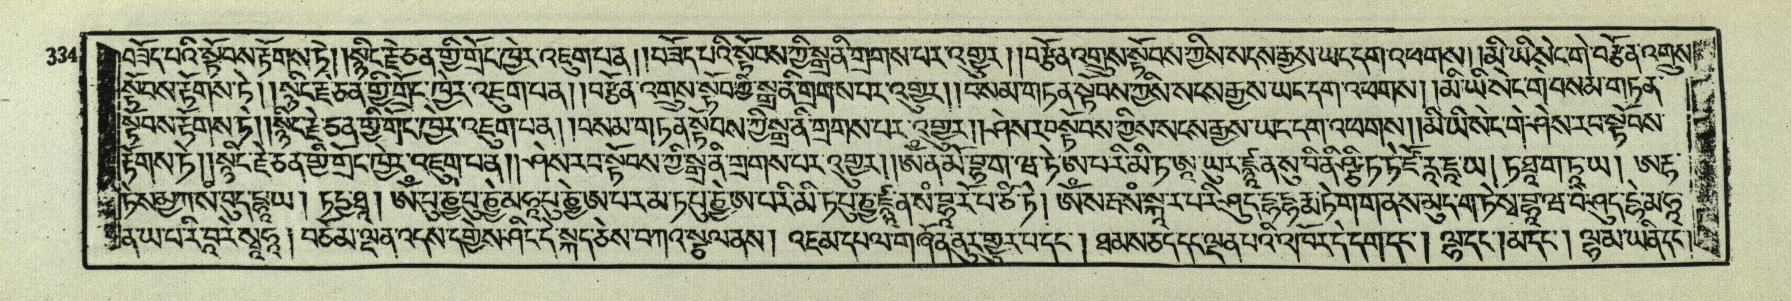བཟོད་པའི་སྟོབས་རྟོགས་ཏེ། །སྙིང་རྗེ་ཅན་གྱི་གྲོང་ཁྱེར་འཇུག་པ་ན། །བཟོད་པའི་སྟོབས་ཀྱི་སྒྲ་ནི་གྲགས་པར་འགྱུར། །བརྩོན་འགྲུས་སྟོབས་ཀྱིས་སངས་རྒྱས་ཡང་དག་འཕགས། །མི་ཡི་སེང་གེ་བརྩོན་འགྲུས་
སྟོབས་རྟོགས་ཏེ། །སྙིང་རྗེ་ཅན་གྱི་གྲོང་ཁྱེར་འཇུག་པ་ན། །བརྩོན་འགྲུས་སྟོབ་ཀྱི་སྒྲ་ནི་གྲགས་པར་འགྱུར། །བསམ་གཏན་སྟོབས་ཀྱིས་སངས་རྒྱས་ཡང་དག་འཕགས། །མི་ཡི་སེང་གེ་བསམ་གཏན་
སྟོབས་རྟོགས་ཏེ། །སྙིང་རྗེ་ཅན་གྱི་གྲོང་ཁྱེར་འཇུག་པ་ན། །བསམ་གཏན་སྟོབས་ཀྱི་སྒྲ་ནི་གྲགས་པར་འགྱུར། །ཤེས་རབ་སྟོབས་ཀྱིས་སངས་རྒྱས་ཡང་དག་འཕགས། །མི་ཡི་སེང་གེ་ཤེས་རབ་སྟོབས་
རྟོགས་ཏེ། །སྙིང་རྗེ་ཅན་གྱི་གྲོང་ཁྱེར་འཇུག་པ་ན། །ཤེས་རབ་སྟོབས་ཀྱི་སྒྲ་ནི་གྲགས་པར་འགྱུར། །ཨོཾ་ན་མོ་བྷ་ག་ཝ་ཏེ་ཨ་པ་རི་མི་ཏ་ཨཱ་ཡུར་ཛྙཱ་ན་སུ་བི་ནི་ཤྩི་ཏ་ཏེ་ཛོ་རཱ་ཛཱ་ཡ། ཏ་ཐཱ་ག་ཏཱ་ཡ། ཨརྷ་
ཏེ་སམྱཀ་སཾ་བུད་དྷཱ་ཡ། ཏདྱ་ཐཱ། ཨོཾ་པུ་ཎྱེ་པུ་ཎྱེ་མཧཱ་པུ་ཎྱེ་ཨ་པ་ར་མ་ཏ་པུ་ཎྱེ་ཨ་པ་རི་མི་ཏ་པུ་ཎྱ་ཛྙཱ་ན་སཾ་བྷཱ་རོ་པ་ཙི་ཏེ། ཨོཾ་སརྦ་སཾ་སྐཱ་ར་པ་རི་ཤུད་དྷ་དྷརྨ་ཏེ་ག་ག་ན་ས་མུད་ག་ཏེ་སྭ་ཝ་བི་ཤུད་དྷེ་མཧཱ་
ན་ཡ་པ་རི་བཱ་རེ་སྭཱ་ཧཱ། བཅོམ་ལྡན་འདས་དགྱེས་ཤིང་དེ་སྐད་ཅེས་བཀའ་སྩལ་ནས། འཇམ་དཔལ་གཞོན་ནུར་གྱུར་པ་དང་། ཐམས་ཅད་དང་ལྡན་པའི་འཁོར་དེ་དག་དང་། ལྷ་དང་། མི་དང་། ལྷ་མ་ཡིན་དང་།